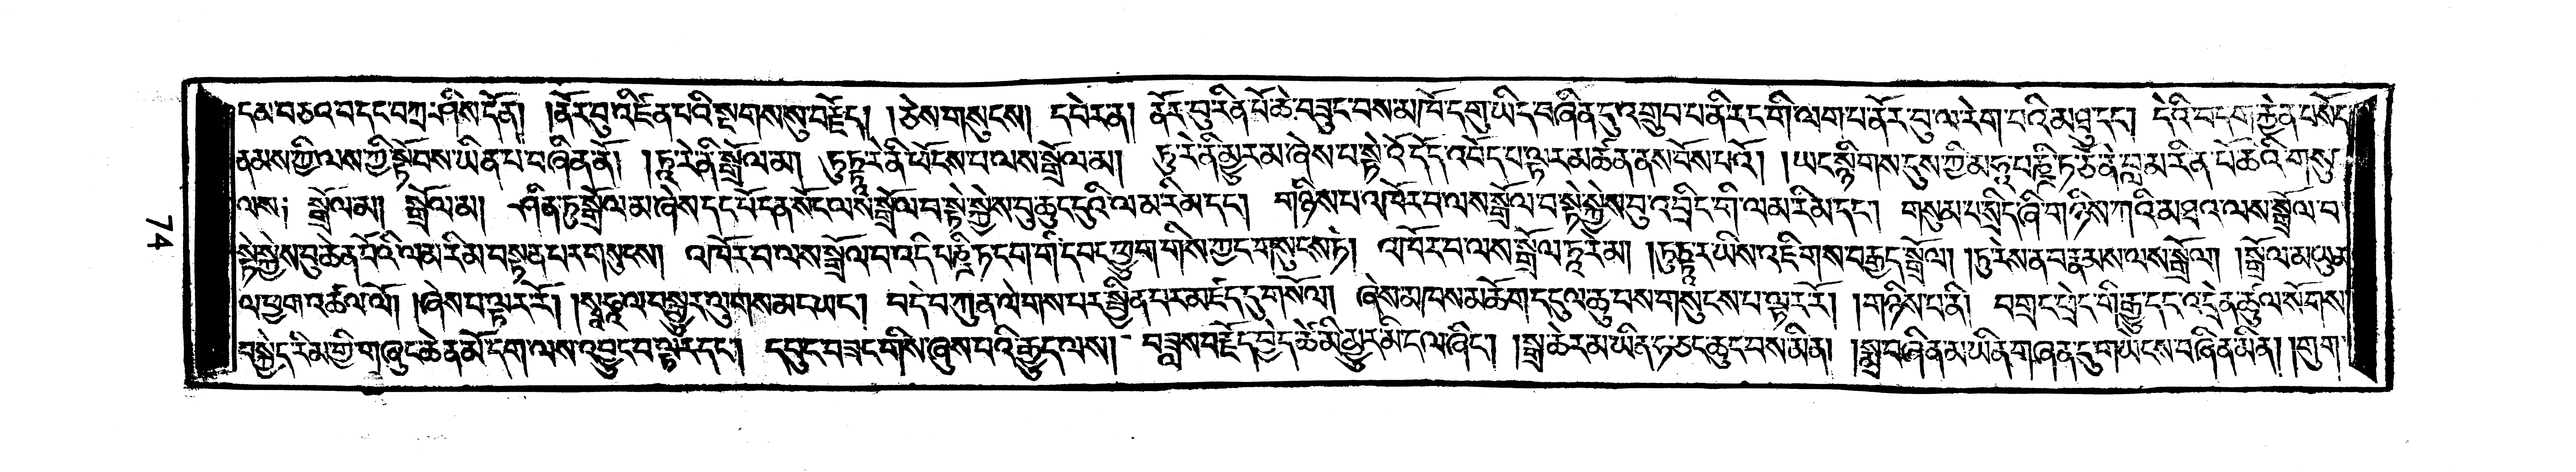དམ་བཅའ་བ་དང་བཀྲ་ཤིས་དོན། །ནོར་བུ་འཛིན་པའི་སྔགས་སུ་བརྗོད། །ཅེས་གསུངས། དཔེར་ན། ནོར་བུ་རིན་པོ་ཆེ་བཟུང་བས་མཁོ་དགུ་ཡིད་བཞིན་དུ་འགྲུབ་པ་ནི་རང་གི་ལག་པ་ནོར་བུ་ལ་རེག་པའི་མཐུ་དང་། དེའི་བདག་རྐྱེན་བསོད་
ནམས་ཀྱི་ལས་ཀྱི་སྟོབས་ཡིན་པ་བཞིན་ནོ། །ཏཱ་རེ་ནི་སྒྲོལ་མ། ཏུཏྟཱ་རེ་ནི་ཕོངས་པ་ལས་སྒྲོལ་མ། ཏུ་རེ་ནི་མྱུར་མ་ཞེས་པ་སྟེ་འོ་དོད་འབོད་པ་ལྟར་མཚན་ནས་བོས་པའོ། །ཡང་སྙིགས་དུས་ཀྱི་མཧཱ་པཎྜི་ཏ་ཅོ་ནེ་བླ་མ་རིན་པོ་ཆེའི་གསུང་
ལས། སྒྲོལ་མ། སྒྲོལ་མ། ཤིན་ཏུ་སྒྲོལ་མ་ཞེས་དང་པོ་ངན་སོང་ལས་སྒྲོལ་བ་སྟེ་སྐྱེས་བུ་ཆུང་ངུའི་ལམ་རིམ་དང་། གཉིས་པ་འཁོར་བ་ལས་སྒྲོལ་བ་སྟེ་སྐྱེས་བུ་འབྲིང་གི་ལམ་རིམ་དང་། གསུམ་པ་སྲིད་ཞི་གཉིས་ཀའི་མཐའ་ལས་སྒྲོལ་བ་
སྟེ་སྐྱེས་བུ་ཆེན་པོའི་ལམ་རིམ་བསྟན་པར་གསུངས། འཁོར་བ་ལས་སྒྲོལ་བ་འདི་པཎྜི་ཏ་ངག་གི་དབང་ཕྱུག་གིས་ཀྱང་གསུངས་ཏེ། འཁོར་བ་ལས་སྒྲོལ་ཏཱ་རེ་མ། །ཏུཏྟཱ་ར་ཡིས་འཇིགས་བརྒྱད་སྒྲོལ། །ཏུ་རེས་ན་བ་རྣམས་ལས་སྒྲོལ། །སྒྲོལ་མ་ཡུམ་
ལ་ཕྱག་འཚལ་ལོ། །ཞེས་པ་ལྟར་རོ། །སྭཱཧཱ་ལ་བསྒྱུར་ལུགས་མང་ཡང་། བདེ་བ་ཀུན་ལེགས་པར་སྦྱིན་པར་མཛད་དུ་གསོལ། ཞེས་མཁས་མཆོག་དངུལ་ཆུ་བས་གསུངས་པ་ལྟར་རོ། །གཉིས་པ་ནི། བགྲང་ཕྲེང་གི་རྒྱུ་དང་འདྲེན་ཚུལ་སོགས་
བསྐྱེད་རིམ་གྱི་གཞུང་ཆེན་མོ་དག་ལས་འབྱུང་བ་ལྟར་དང་། དཔུང་བཟང་གིས་ཞུས་པའི་རྒྱུད་ལས། བཟླས་བརྗོད་བྱེད་ཚེ་མི་མྱུར་མི་དལ་ཞིང་། །སྒྲ་ཆེར་མ་ཡིན་ཧ་ཅང་ཆུང་བས་མིན། །སྨྲ་བཞིན་མ་ཡིན་གཞན་དུ་གཡངས་བཞིན་མིན། །གུག་